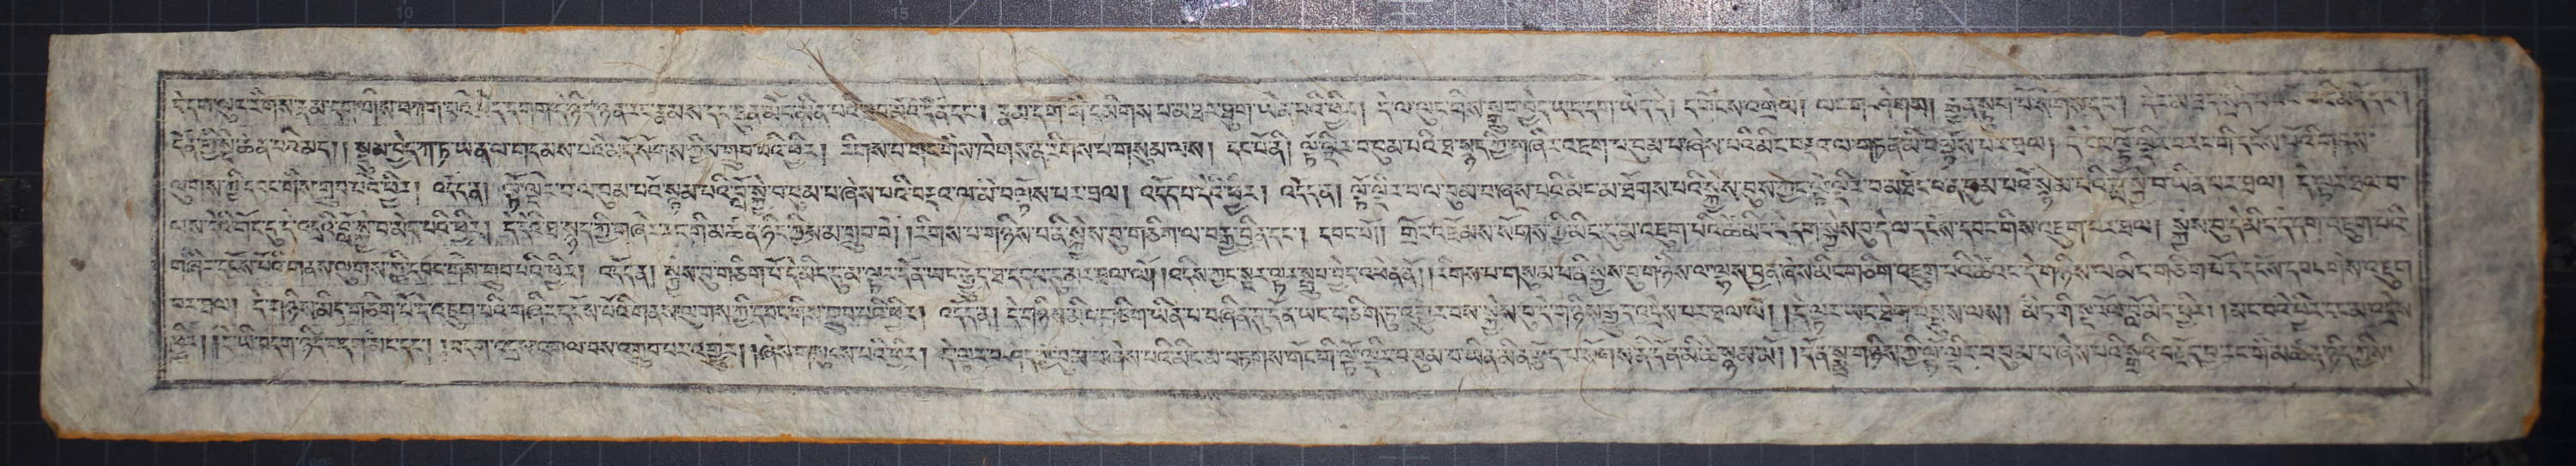དེ་དག་ལུང་རིགས་རྣམ་དག་གིས་བཀག་པའི་མེད་དགག་དེ་ཉིད་ཉན་རང་རྣམས་དང་ཐུན་མོང་མིན་པའི་ཟབ་མོའི་དོན་དང་། རྣམ་དག་གི་དམིགས་པ་མཐར་ཐུག་ཡིན་པའི་ཕྱིར། དེ་ལ་ལུང་གིས་སྒྲུབ་བྱེད་ཡང་དག་ཡོད་དེ། དགོངས་འགྲེལ། ལང་གཤེགས། རྒྱན་སྟུག་པོ་སོགས་དང་། དེར་མ་ཟད་སྲིད་པ་འཕོ་བའི་མདོ་དང་།
དོན་གྱི་སྡེ་ཚན་པའི་མདོ། །སྡུམ་བྱེད་ཀ་ཏ་ཡ་ན་ལ་གདམས་པའི་མདོ་སོགས་ཀྱིས་གྲུབ་པའི་ཕྱིར། རིགས་པ་གང་གིས་ཁེགས་ན་རིགས་པ་གསུམ་ལས། དང་པོ་ནི་ལྟོ་ལྡིར་བ་བུམ་པའི་ཐ་སྙད་ཀྱི་གཞིར་འཇོག་པ་བུམ་པ་ཞེས་པའི་མིང་བརྡའ་ལ་གཏན་མི་བལྟོས་པར་ཐལ། དེ་དེར་ལྟོ་ལྡིར་བ་རང་གི་དངོས་པོའི་གནས་
ལུགས་ཀྱི་དབང་གིས་གྲུབ་པའི་ཕྱིར། འདོད་ན། ལྟོ་ལྡིར་བ་ལ་བུམ་པའོ་སྙམ་པའི་བློ་སྐྱེ་བ་བུམ་པ་ཞེས་པའི་བརྡའ་ལ་མི་བལྟོས་པར་ཐལ། འདོད་པ་དེའི་ཕྱིར། འདོད་ན། ལྟོ་ལྡིར་བ་ལ་བུམ་པ་ཞེས་པའི་མིང་མ་ཐོགས་པའི་སྐྱེས་བུས་ཀྱང་ལྟོ་ལྡིར་བ་མཐོང་བ་ན་བུམ་པའོ་སྙམ་པའི་བློ་སྐྱེ་བ་ཡིན་པར་ཐལ། དེ་ལྟར་ཐལ་བ་
ལས་དེའི་གོང་དུ་དེ་འདྲའི་བློ་སྐྱེ་བ་མེད་པའི་ཕྱིར། དེ་དེའི་ཐ་སྙད་ཀྱི་གཞིར་རང་གི་མཚན་ཉིད་ཀྱིས་མ་གྲུབ་བོ། །རིགས་པ་གཉིས་པ་ནི་སྐྱེས་བུ་གཅིག་ལ་བརྒྱ་བྱིན་དང་། དབང་པོ། གྲོང་འཇོམས་སོགས་ཀྱི་མིང་དུ་མ་འཇུག་པའི་ཚེ་མིང་དེ་དག་སྐྱེས་བུ་དེ་ལ་དངོས་དབང་གིས་འཇུག་པར་ཐལ། སྐྱེས་བུ་དེ་མིང་དེ་དག་འཇུག་པའི་
གཞིར་དངོས་པོའི་གནས་ལུགས་ཀྱི་དབང་གིས་གྲུབ་པའི་ཕྱིར། འདོད་ན། སྐྱེས་བུ་གཅིག་པོ་དེ་མིང་དུ་མ་ལྟར་དོན་ཡང་རྒྱུད་ཐ་དད་དུ་མར་ཐལ་ལོ། །འདིས་ཀྱང་སྔར་ལྟར་སྒྲུབ་བྱེད་འཕེན་ནོ། །རིགས་པ་གསུམ་པ་ནི་སྐྱེས་བུ་གཉིས་ལ་ལྷས་བྱིན་ཞེས་མིང་གཅིག་འཇུག་པའི་ཚེའང་དེ་གཉིས་ལ་མིང་གཅིག་པོ་དེ་དངོས་དབང་གིས་འཇུག་
པར་ཐལ། དེ་གཉིས་མིང་གཅིག་པོ་དེ་འཇུག་པའི་གཞིར་དངོས་པོའི་གནས་ལུགས་ཀྱི་དབང་གིས་གྲུབ་པའི་ཕྱིར། འདོད་ན། དེ་གཉིས་མིང་གཅིག་ཡིན་པ་བཞིན་དུ་དོན་ཡང་གཅིག་ཏུ་འགྱུར་བས་སྐྱེས་བུ་དེ་གཉིས་རྒྱུད་འདྲེས་པར་ཐལ་ལོ། །དེ་ལྟར་ཡང་ཐེག་བསྡུས་ལས། མིང་གི་སྔ་རོལ་བློ་མེད་ཕྱིར། །མང་བའི་ཕྱིར་དང་མ་འདྲེས་
ཕྱིར། ། དེ་ཡི་བདག་ཉིད་བདག་མང་དང་། །བདག་འདྲས་འགལ་བས་འགྲུབ་པར་འགྱུར། །ཞེས་གསུངས་པའི་ཕྱིར། དེ་ལྟར་བཤད་ཀྱི་བུམ་པ་ཞེས་པའི་མིང་མ་བཏགས་གོང་གི་ལྟོ་ལྡིར་བ་བུམ་པ་ཡིན་མིན་རྩོད་པ་སོགས་ནི་དོན་མི་ཆེ་སྙམ་མོ། །དོན་སྨྲ་གཉིས་ཀྱི་ལྟོ་ལྡིར་བ་བུམ་པ་ཞེས་པའི་སྒྲའི་བརྗོད་བྱ་རང་གི་མཚན་ཉིད་ཀྱིས་